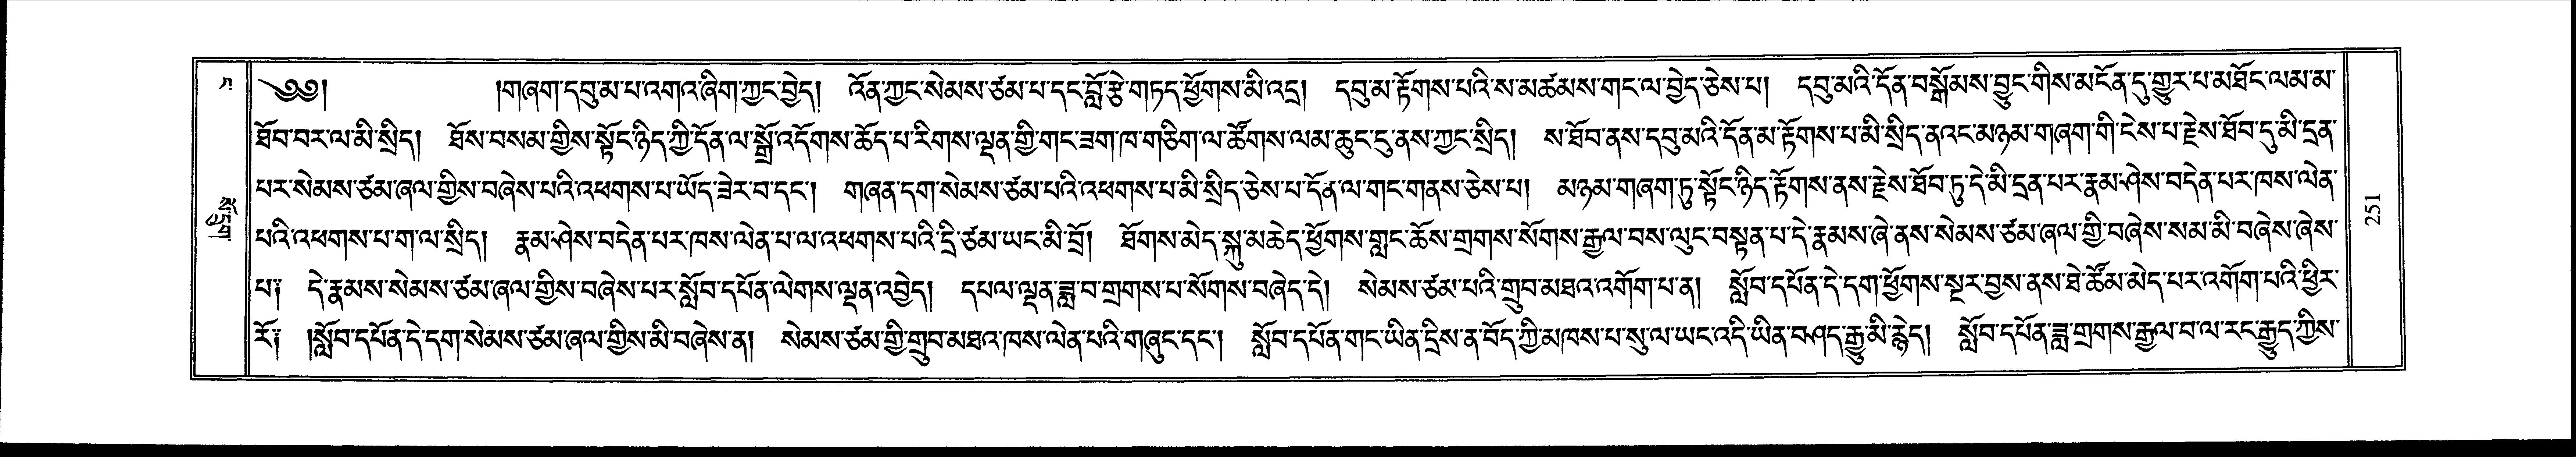༄༅། །གཞག་དབུ་མ་པ་འགའ་ཞིག་ཀྱང་བྱེད། འོན་ཀྱང་སེམས་ཙམ་པ་དང་བློ་རྩེ་གཏད་ཕྱོགས་མི་འདྲ། དབུ་མ་རྟོགས་པའི་ས་མཚམས་གང་ལ་བྱེད་ཅེས་པ། དབུ་མའི་དོན་བསྒོམས་བྱུང་གིས་མངོན་དུ་གྱུར་པ་མཐོང་ལམ་མ་
ཐོབ་བར་ལ་མི་སྲིད། ཐོས་བསམ་གྱིས་སྟོང་ཉིད་ཀྱི་དོན་ལ་སྒྲོ་འདོགས་ཆོད་པ་རིགས་ལྡན་གྱི་གང་ཟག་ཁ་གཅིག་ལ་ཚོགས་ལམ་ཆུང་ངུ་ནས་ཀྱང་སྲིད། ས་ཐོབ་ནས་དབུ་མའི་དོན་མ་རྟོགས་པ་མི་སྲིད་ནའང་མཉམ་གཞག་གི་ངེས་པ་རྗེས་ཐོབ་དུ་མི་དྲན་
པར་སེམས་ཙམ་ཞལ་གྱིས་བཞེས་པའི་འཕགས་པ་ཡོད་ཟེར་བ་དང་། གཞན་དག་སེམས་ཙམ་པའི་འཕགས་པ་མི་སྲིད་ཅེས་པ་དོན་ལ་གང་གནས་ཅེས་པ། མཉམ་གཞག་ཏུ་སྟོང་ཉིད་རྟོགས་ནས་རྗེས་ཐོབ་ཏུ་དེ་མི་དྲན་པར་རྣམ་ཤེས་བདེན་པར་ཁས་ལེན་
པའི་འཕགས་པ་ག་ལ་སྲིད། རྣམ་ཤེས་བདེན་པར་ཁས་ལེན་པ་ལ་འཕགས་པའི་དྲི་ཙམ་ཡང་མི་བྲོ། ཐོགས་མེད་སྐུ་མཆེད་ཕྱོགས་གླང་ཆོས་གྲགས་སོགས་རྒྱལ་བས་ལུང་བསྟན་པ་དེ་རྣམས་ཞེ་ནས་སེམས་ཙམ་ཞལ་གྱི་བཞེས་སམ་མི་བཞེས་ཞེས་
པ། དེ་རྣམས་སེམས་ཙམ་ཞལ་གྱིས་བཞེས་པར་སློབ་དཔོན་ལེགས་ལྡན་འབྱེད། དཔལ་ལྡན་ཟླ་བ་གྲགས་པ་སོགས་བཞེད་དེ། སེམས་ཙམ་པའི་གྲུབ་མཐའ་འགོག་པ་ན། སློབ་དཔོན་དེ་དག་ཕྱོགས་སྔར་བྱས་ནས་ཐེ་ཚོམ་མེད་པར་འགོག་པའི་ཕྱིར་
རོ། །སློབ་དཔོན་དེ་དག་སེམས་ཙམ་ཞལ་གྱིས་མི་བཞེས་ན། སེམས་ཙམ་གྱི་གྲུབ་མཐའ་ཁས་ལེན་པའི་གཞུང་དང་། སློབ་དཔོན་གང་ཡིན་དྲིས་ན་བོད་ཀྱི་མཁས་པ་སུ་ལ་ཡང་འདི་ཡིན་བཤད་རྒྱུ་མི་རྙེད། སློབ་དཔོན་ཟླ་གྲགས་རྒྱལ་བ་ལ་རང་རྒྱུད་ཀྱིས་